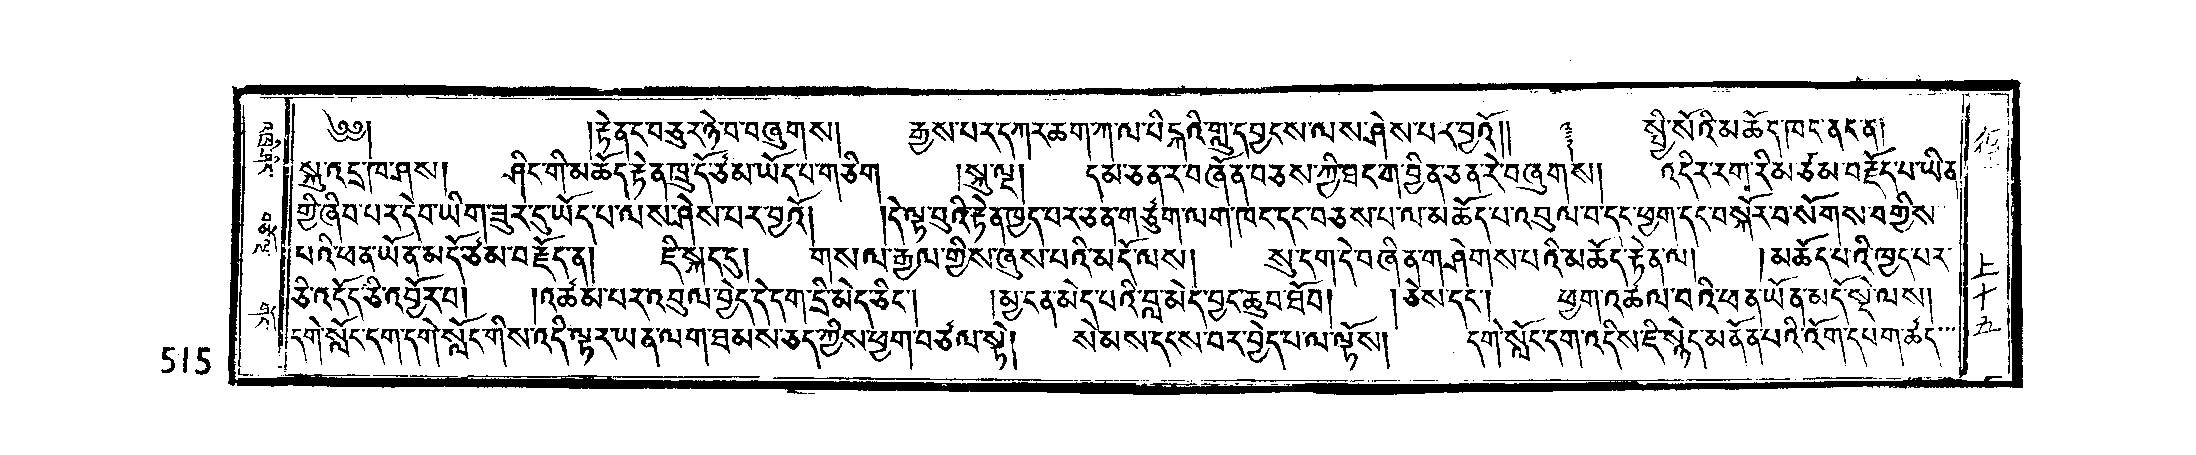༄༅། །རྟེན་ང་བཅུར་ཉེ་བ་བཞུགས། རྒྱས་པར་དཀར་ཆག་ཀ་ལ་པིངྐའི་གླུ་དབྱངས་ལས་ཤེས་པར་བྱའོ། །སྤྱི་སོའི་མཆོད་ཁང་ནང་ན།
སྐུ་འདྲ་ཁ་ཤས། ཤིང་གི་མཆོད་རྟེན་ཁྲུ་དོ་ཙམ་ཡོད་པ་གཅིག །སྐུ་ལྔ། དམ་ཅན་ར་བཞོན་བཅས་ཀྱི་ཐང་ག་བྱིན་ཅན་རེ་བཞུགས། འདིར་རག་རིམ་ཙམ་བརྗོད་པ་ཡིན་
གྱི་ཞིབ་པར་དེབ་ཡིག་ཟུར་དུ་ཡོད་པ་ལས་ཤེས་པར་བྱའོ། །དེ་ལྟ་བུའི་རྟེན་ཁྱད་པར་ཅན་གཙུག་ལག་ཁང་དང་བཅས་པ་ལ་མཆོད་པ་འབུལ་བ་དང་ཕྱག་དང་བསྐོར་བ་སོགས་བགྱིས་
པའི་ཕན་ཡོན་མདོ་ཙམ་བརྗོད་ན། ཇི་སྐད་དུ། གསལ་རྒྱལ་གྱིས་ཞུས་པའི་མདོ་ལས། སུ་དག་དེ་བཞིན་གཤེགས་པའི་མཆོད་རྟེན་ལ། །མཆོད་པའི་ཁྱད་པར་
ཅི་འདོད་ཅི་འབྱོར་བ། །འཚམ་པར་འབུལ་བྱེད་དེ་དག་དྲི་མེད་ཅིང་། །མྱ་ངན་མེད་པའི་བླ་མེད་བྱང་ཆུབ་ཐོབ། །ཅེས་དང་། ཕྱག་འཚལ་བའི་ཕན་ཡོན་མདོ་སྡེ་ལས།
དགེ་སློང་དག་དགེ་སློང་གིས་འདི་ལྟར་ཡན་ལག་ཐམས་ཅད་ཀྱིས་ཕྱག་བཙལ་སྟེ། སེམས་དངས་བར་བྱེད་པ་ལ་ལྟོས། དགེ་སློང་དག་འདིས་ཇི་སྙེད་མནོན་པའི་འོག་དཔག་ཚད་